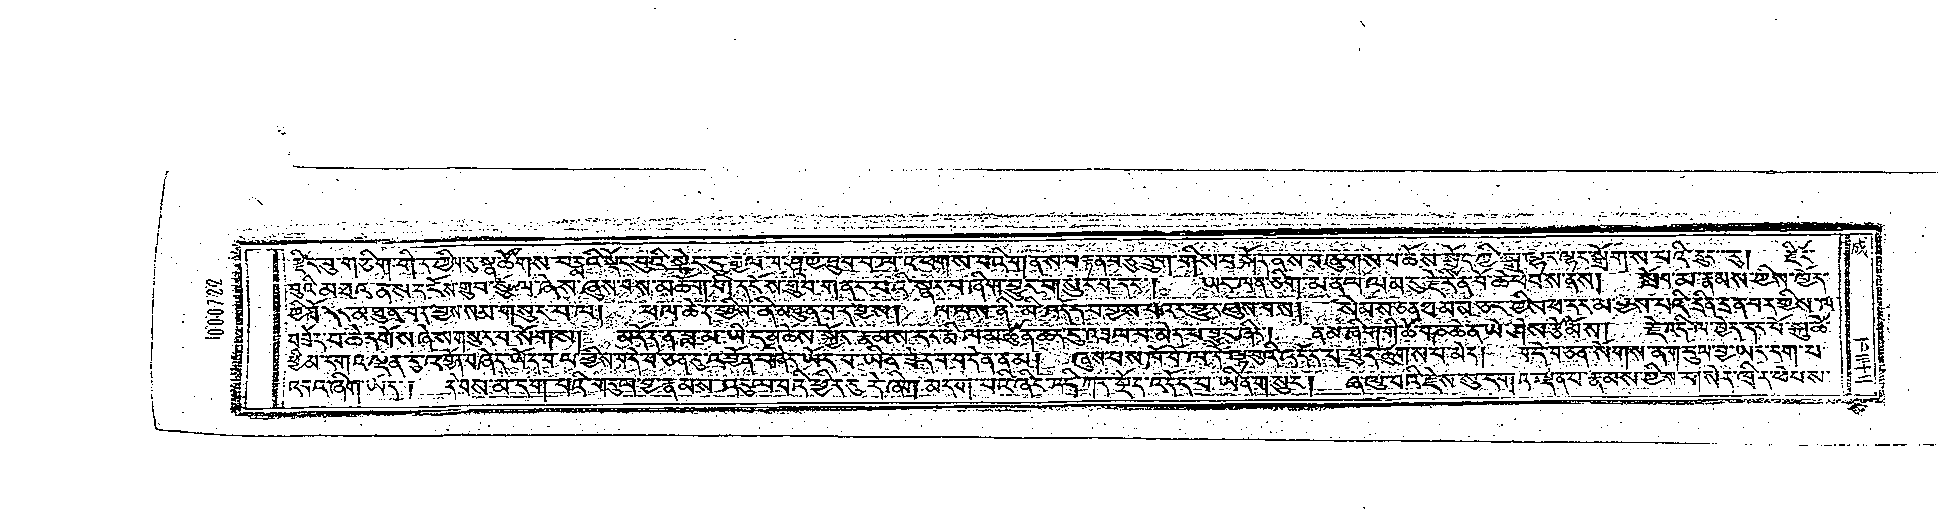རྫིང་བུ་གཅིག་གི་དཀྱིལ་དུ་སྣ་ཚོགས་པདམའི་སྡོང་བུའི་སྟེང་དུ་རྒྱལ་བ་ཤཱཀྱ་ཐུབ་པ་ལ་འཕགས་པའི་གནས་བརྟན་བཅུ་དྲུག་གིས་བསྐོར་ནས་བཞུགས་པ་ཆོས་སྤྱོད་ཀྱི་སྒྲ་ལྷང་ལྷང་སྒྲོགས་པའི་དྲུང་དུ། རྫིང་
བུའི་མཐའ་ནས་དངོས་གྲུབ་སྩོལ་ཞེས་ཞུས་པས་མཆོག་གི་དངོས་གྲུབ་གནང་བའི་སྣང་བ་ཞིག་བྱུང་གསུང་བ་དང་། ཡང་ལན་ཅིག་མནལ་ལམ་དུ་རྗེ་རིན་པོ་ཆེ་ཕེབས་ནས། སློབ་མ་རྣམས་ཀྱིས་ཁྱོད་
ཀྱི་བློ་དང་མཐུན་བར་བྱས་སམ་གསུང་པ་ལ། ཕལ་ཆེར་གྱིས་ནི་མཐུན་པར་བྱས། ལ་ལས་ནི་མི་འདོད་པ་བྱས་པའང་བྱུང་ཞུས་བས། སེམས་ཅན་ཐམས་ཅད་ཀྱིས་ཕ་དང་མ་བྱས་པའི་དྲིན་དྲན་པར་གྱིས་ལ་
བཟོད་བ་ཆེ་དགོས་ཞེས་གསུང་བ་སོགས། མདོར་ན་བླ་མ་ཡི་དམ་ཆོས་སྐྱོང་རྣམས་དང་རྨི་ལམ་ཚུན་ཆད་དུ་འབྲལ་བ་མེད་པ་བྱུང་ཞིང་། ནམ་ཞིག་གི་ཚེ་པཎ་ཆེན་ཡེ་ཤེས་རྩེ་མོས། རྗེ་འདི་ལ་ཁྱེད་དང་པོ་སྐུ་ཚེ་
ཕྱི་མ་དགའ་ལྡན་དུ་འབྱོན་བཞེད་ཡོད་བ་ལ་ཕྱིས་བདེ་བ་ཅན་དུ་འབྱོན་བཞེད་ཡོད་པ་ཡིན་ཟེར་བ་བདེན་ནམ། ཞུས་པས་ཁོ་བོ་ལ་དེ་ལྟ་བུའི་འདོད་པ་ཕུར་ཚུགས་པ་མེད། བདེ་བ་ཅན་སོགས་ན་གདུལ་བྱ་ཡང་དག་པ་
འབའ་ཞིག་ཡོད། དེ་བས་མ་དག་པའི་གདུལ་བྱ་རྣམས་འདུལ་བའི་ཕྱིར་དུ་རེ་ཞིག་མ་དག་པའི་ཞིང་འདི་ཀར་སྡོད་འདོད་པ་ཡིན་གསུང་། ཞ་ལུ་བའི་རྗེས་སུ་དགའ་ལྡན་པ་རྣམས་ཀྱིས་གསེར་ཁྲིར་ཕེབས་